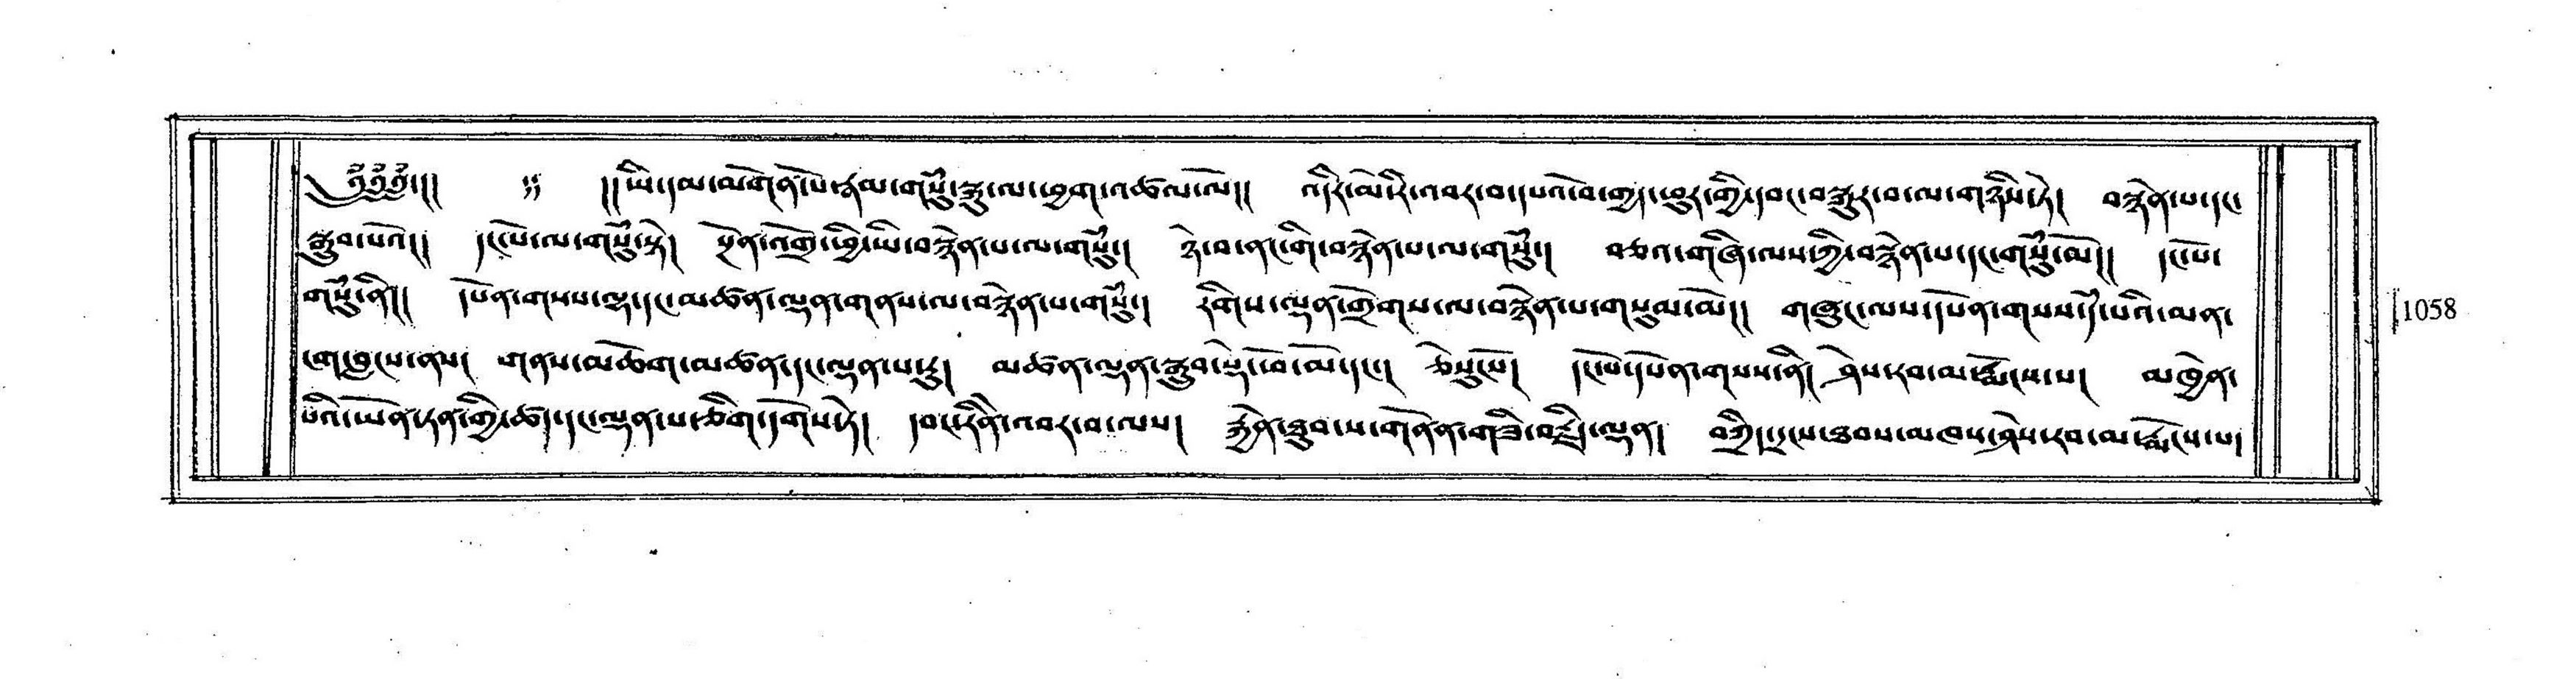༄༅༅།། །།ཡི་དམ་མགོན་པོ་རྣམ་གསུམ་སྐུ་ལ་ཕྱག་འཚལ་ལོ།། འདིར་མེ་རི་འབར་བ་དཔའ་བོ་གྱད་ཕུར་གྱི་དབང་བསྐུར་བ་ལ་གཉིས་ཏེ། བསྙེན་པ་དང་
སྒྲུབ་པའོ།། དང་པོ་ལ་གསུམ་སྟེ། སྔོན་འགྲོ་ཕྱི་ཡི་བསྙེན་པ་གསུམ། ཉེ་བ་ནང་གི་བསྙེན་པ་ལ་གསུམ། བཅའ་གཞི་ལས་ཀྱི་བསྙེན་པ་དང་གསུམ་མོ། །དང་པོ་
གསུམ་ནི། དཔོན་གསས་ལྷ་དང་མཚན་ལྡན་གནས་ལ་བསྙེན་པ་གསུམ། རིགས་ལྡན་གྲོགས་ལ་བསྙེན་པ་གསུམ་མོ།། གཞུང་ལས་དཔོན་གསས་དམ་པའི་མན་
ངག་བླངས་ནས། གནས་མཆོག་མཚན་དང་ལྡན་པ་རུ། མཚན་ལྡན་སྒྲུབ་སྡེ་ཕོ་མོ་དང་། ཅེས་གསུངས་སོ། དང་པོ་དཔོན་གསས་ནི། ཤེས་རབ་མ་རྨོངས་པ། མཁྱེན་
པའི་ཡོན་ཏན་གྱི་ཚད་དང་ལྡན་པ་ཅིག་དགོས་ཏེ། དབང་རིན་ཆེན་འབར་བ་ལས། རྐྱེན་ཐུབ་པ་གནོན་གཟི་བརྗིད་ལྡན། བཀྲིད་དྲངས་ཐབས་མཁས་ཤེས་རབ་མ་རྨོངས་པ་